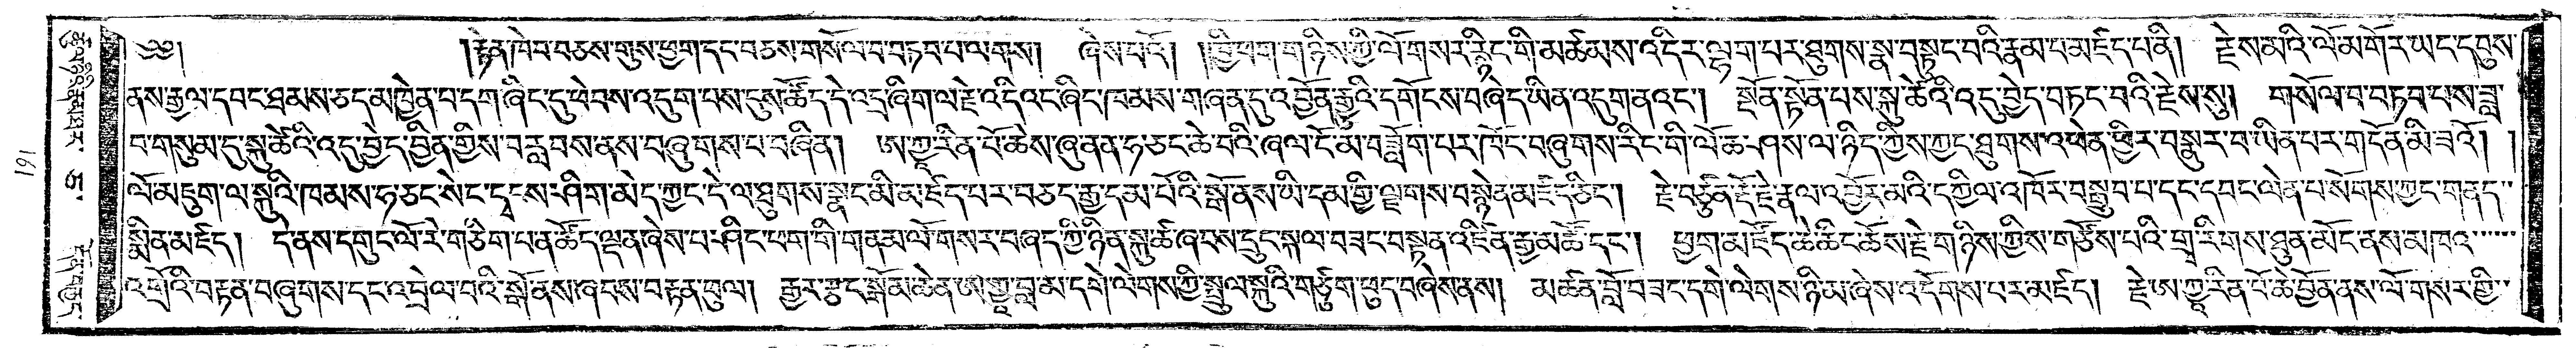༄༅། །རྟེན་ཁེབ་བཅས་གུས་ཕྱག་དང་བཅས་གསོལ་བ་བཏབ་པ་ལགས། ཞེས་པའོ། །ཁྱི་ཕག་གཉིས་ཀྱི་ལོ་གསར་རྙིང་གི་མཚམས་འདིར་ལྷག་པར་ཐུགས་སྣ་བསྟུང་བའི་རྣམ་པ་མཛད་པ་ནི། རྗེས་མའི་ལོ་མགོར་ཡང་དབུས་
ནས་རྒྱལ་དབང་ཐམས་ཅད་མཁྱེན་པ་དག་ཞིང་དུ་ཕེབས་འདུག་པས་དུས་ཚེད་དེ་འདྲ་ཞིག་ལ་རྗེ་འདི་འང་ཞིང་ཁམས་གཞན་དུ་འབྱོར་རྒྱུའི་དགོངས་བཞེད་ཡིན་འདུག་ནའང་། སྔོན་སྟོན་པས་སྐུ་ཚེའི་འདུ་བྱེད་བཏང་བའི་རྗེས་སུ། གསོལ་བ་བཏབ་པས་ཟླ་
བ་གསུམ་དུ་སྐུ་ཚེའི་འདུ་བྱེད་བྱིན་གྱིས་བརླབས་ནས་བཞུགས་པ་བཞིན། ཨ་ཀྱཱ་རིན་པོ་ཆེས་ཞུ་ནན་ཧ་ཅང་ཆེ་བའི་ཞལ་ངོ་མ་བཟློག་པར་ཁོང་བཞུགས་རིང་གི་ལོ་ཆ་ཤས་ལ་ཉིད་ཀྱིས་ཀྱང་ཐུགས་འཕེན་ཕྱིར་བསྣུར་བ་ཡིན་པར་གདོན་མི་ཟའོ། །
ལོ་མཇུག་ལ་སྐུའི་ཁམས་ཧ་ཅང་སེང་དྭངས་ཤིག་མེད་ཀྱང་དེ་ལ་ཐུགས་སྣང་མི་མཛད་པར་བཅད་རྒྱ་དམ་པོའི་སྒོ་ནས་ཡི་དམ་གྱི་ལྗགས་བསྙེན་མཛད་ཅིང་། རྗེ་བཙུན་རྡོ་རྗེ་རྣལ་འབྱོར་མའི་དཀྱིལ་འཁོར་བསྒྲུབ་པ་དང་དབང་ལེན་པ་སོགས་ཀྱང་གནད་
སྨིན་མཛད། དེ་ནས་དགུང་ལོ་རེ་གཅིག་པ་ན་ཚོད་ལྡན་ཞེས་བ་ཤིང་ཕག་གི་གནམ་ལོ་གསར་བཞད་ཀྱི་ཉིན་སྐུ་ཚ་ཞབས་དྲུང་སྐལ་བཟང་བསྟན་འཛིན་རྒྱ་མཚོ་དང་། ཕྱག་མཛོད་ཆེ་ཆིང་ཆོས་རྗེ་གཉིས་ཀྱིས་གཙོས་པའི་གྲྭ་རིགས་ཐུན་མོང་ནས་མཁའ་
འགྲོའི་བརྟན་བཞུགས་དང་འབྲེལ་བའི་སྒོ་ནས་ཞབས་བརྟན་ཕུལ། རྒྱར་རྩང་སྒོམ་ཆེན་ཨ་ཀྱ་བླ་མ་དགེ་ལེགས་ཀྱི་སྤྲུལ་སྐུའི་གཙུག་ཕུད་བཞེས་ནས། མཚན་བློ་བཟང་དགེ་ལེགས་ཉི་མ་ཞེས་འདོགས་པར་མཛད། རྗེ་ཨ་ཀྱཱ་རིན་པོ་ཆེ་བྱོན་ནས་ལོ་གསར་གྱི་